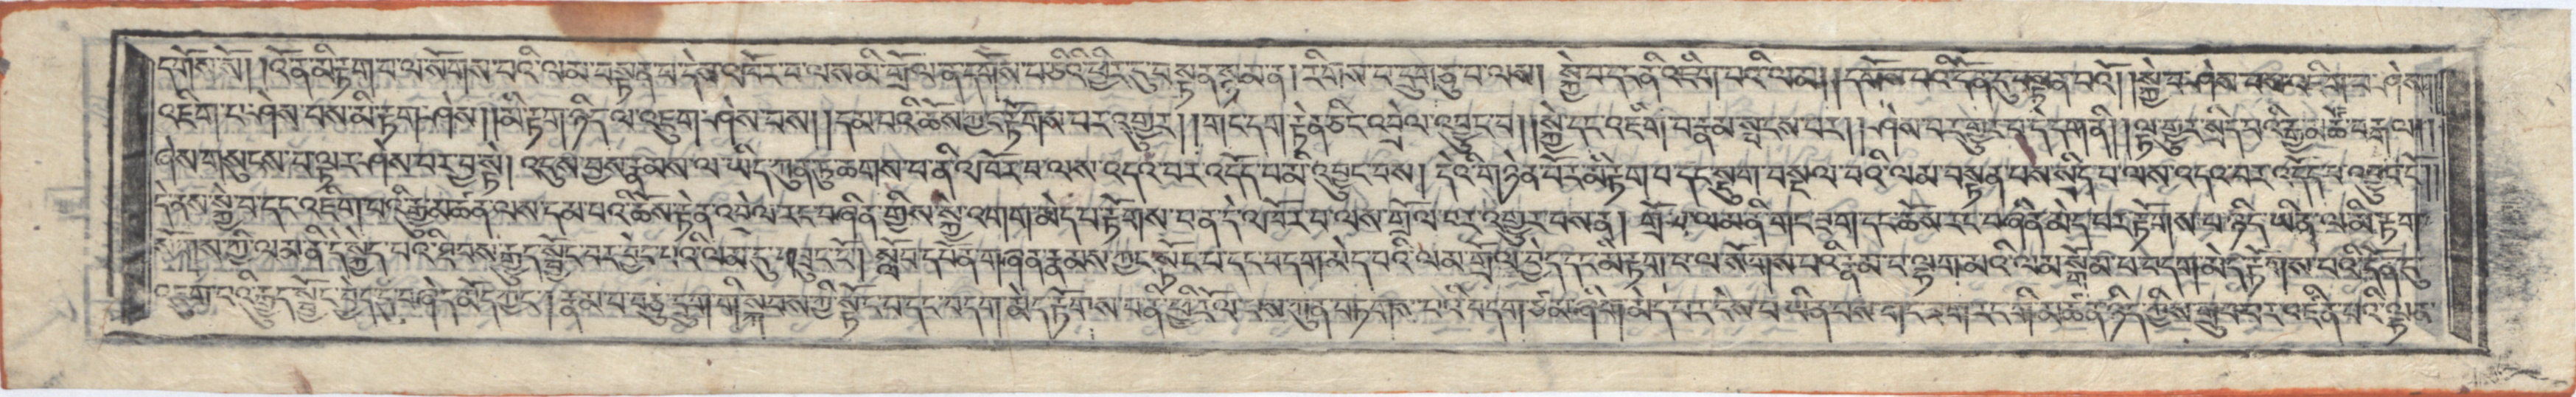དགོས་སོ། །འོ་ན་མི་རྟག་པ་ལ་སོགས་པའི་ལམ་བསྟན་པ་དེས་འཁོར་བ་ལས་མི་གྲོལ་ན་དགོས་པ་ཅིའི་ཕྱིར་དུ་བསྟན་སྙམ་ན། རིགས་པ་དྲུག་ཅུ་པ་ལས། སྐྱེ་བ་དང་ནི་འཇིག་པའི་ལམ། །དགོས་པའི་དོན་དུ་བསྟན་པའོ། །སྐྱེ་བ་ཤེས་པས་འཇིག་པ་ཤེས།།
འཇིག་པ་ཤེས་པས་མི་རྟག་ཤེས། །མི་རྟག་ཉིད་ལ་འཇུག་ཤེས་པས། །དམ་པའི་ཆོས་ཀྱང་རྟོགས་པར་འགྱུར། །གང་དག་རྟེན་ཅིང་འབྲེལ་འབྱུང་བ། །སྐྱེ་དང་འཇིག་པ་རྣམ་སྤངས་པར། །ཤེས་པར་གྱུར་པ་དེ་དག་ནི། །ལྟ་གྱུར་སྲིད་པའི་རྒྱ་མཚོ་བརྒལ།།
ཞེས་གསུངས་པ་ལྟར་ཤེས་པར་བྱ་སྟེ། འདུས་བྱས་རྣམས་ལ་ཡིད་ཀུན་ཏུ་ཆགས་པ་ནི་འཁོར་བ་ལས་འདའ་བར་འདོད་པ་མི་འབྱུང་བས། དའི་གཉེན་པོར་མི་རྟག་པ་དང་སྡུག་བསྔལ་བའི་ལམ་བསྟན་པས་སྲིད་པ་ལས་འདའ་བར་འདོད་པ་འབྱུང་ངོ། །
དེ་ནས་སྐྱེ་བ་དང་འཇིག་པའི་རྒྱུ་མཚན་ལས་དམ་པའི་ཆོས་རྟེན་འབྲེལ་རང་བཞིན་གྱིས་སྐྱེ་འགག་མེད་པ་རྟོགས་པ་ན་དེ་འཁོར་བ་ལས་གྲོལ་བར་འགྱུར་བས་ན། གྲོལ་ལམ་ནི་གང་ཟག་དང་ཆོས་རང་བཞིན་མེད་པར་རྟོགས་པ་ཉིད་ཡིན་ལ་མི་རྟག་
སོགས་ཀྱི་ལམ་ནི་དེ་སྐྱེད་པའི་ཐབས་རྒྱུད་སྦྱོང་བར་བྱེད་པའི་ལམ་དུ་གཟུང་ངོ། སློབ་དཔོན་གཞན་རྣམས་ཀྱང་སྟོང་པ་དང་བདག་མེད་པའི་ལམ་གྲོལ་བྱེད་དང་མི་རྟག་པ་ལ་སོགས་པའི་རྣམ་པ་ལྷག་མའི་ལམ་སྒོམ་པ་བདག་མེད་རྟོགས་པའི་དོན་དུ་
འཇུག་པའི་རྒྱུད་སྦྱོང་བྱེད་དུ་བཞེད་མོད་ཀྱང་། རྣམ་པ་བཅུ་དྲུག་གི་སྐབས་ཀྱི་སྟོང་པ་དང་བདག་མེད་རྟོགས་པ་ནི་ཕྱི་རོལ་པས་ཀུན་བཏགས་པའི་བདག་ཙམ་ཞིག་མེད་པར་ངེས་པ་ཡིན་པས་གང་ཟག་རང་གི་མཚན་ཉིད་ཀྱིས་གྲུབ་པར་འཛིན་པའི་ལྷན་